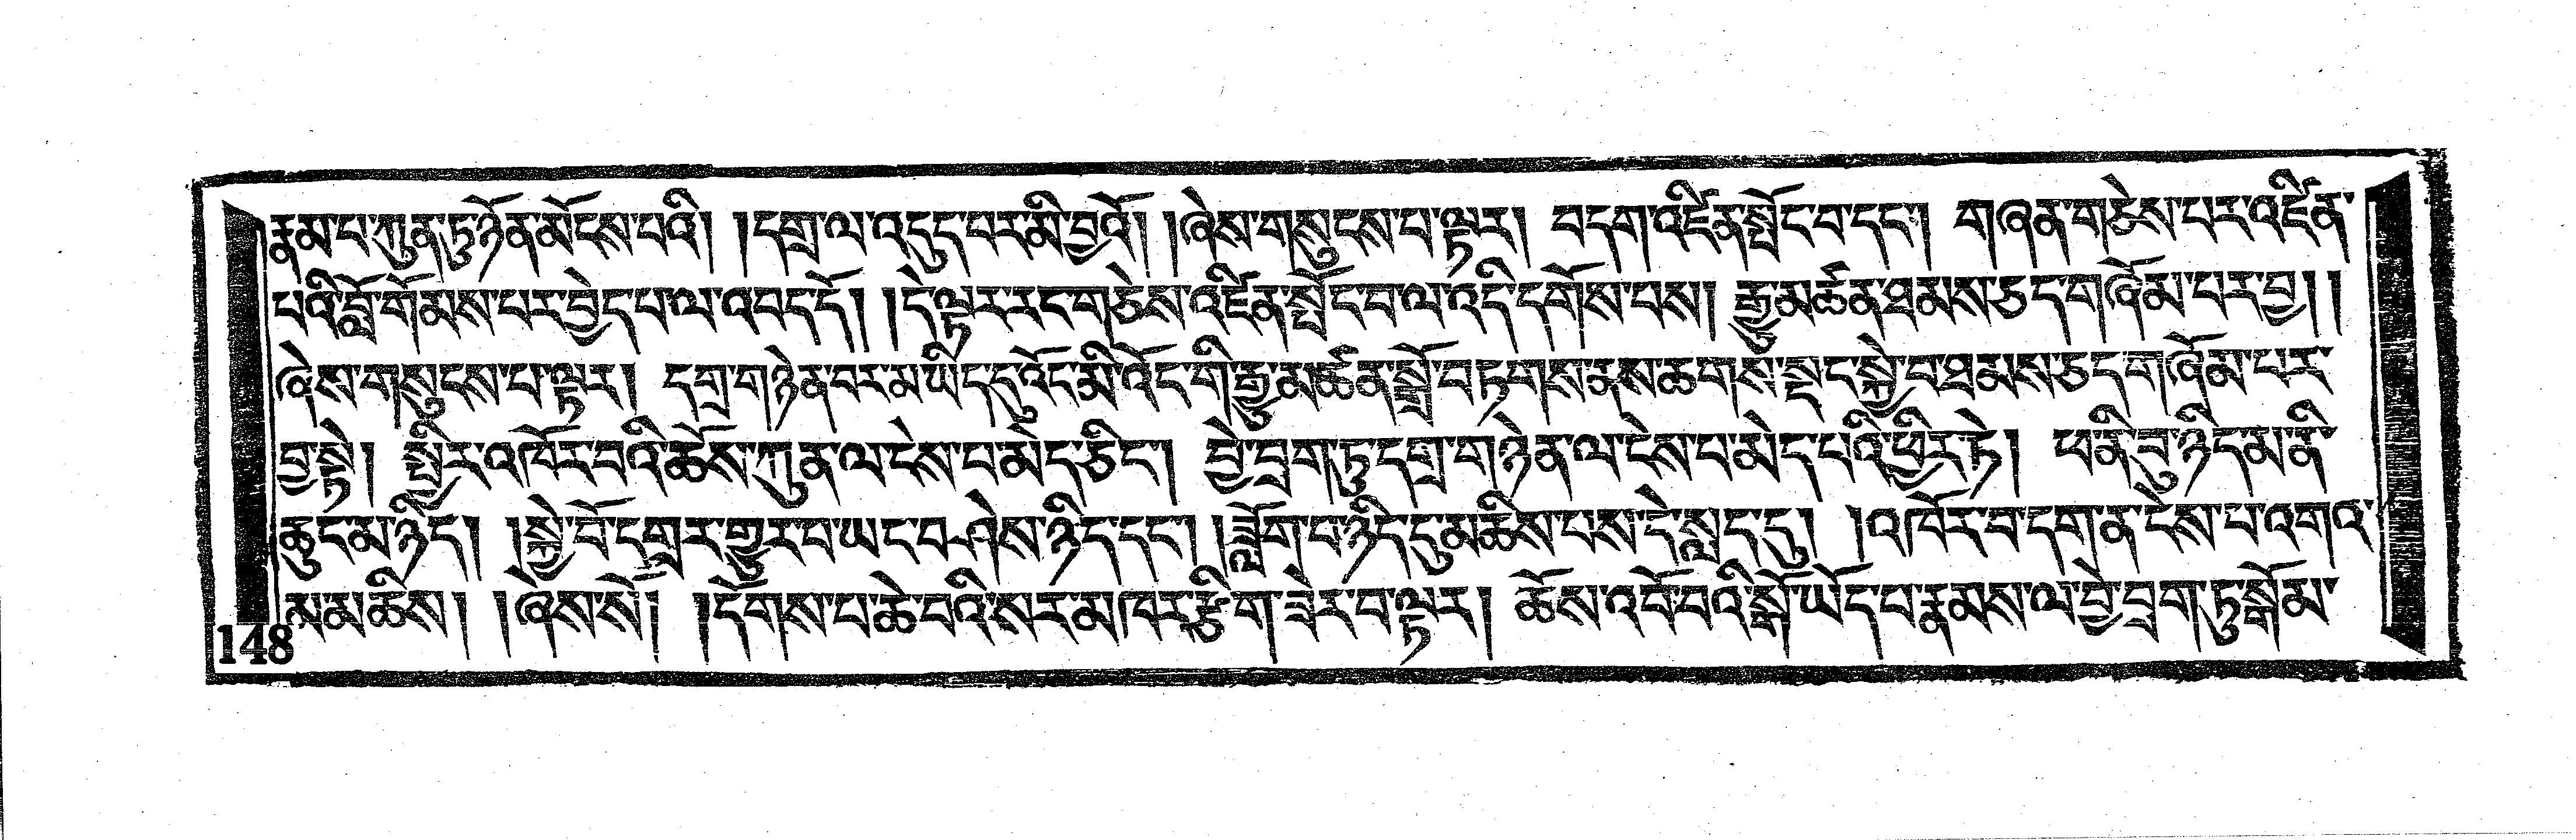རྣམ་པ་ཀུན་ཏུ་ཉོན་མོངས་པའི། །དགྲ་ལ་འདུད་པར་མི་བྱའོ། །ཞེས་གསུངས་པ་ལྟར། བདག་འཛིན་སྤོང་བ་དང་། གཞན་གཅེས་པར་འཛིན་
པའི་བློ་གོམས་པར་བྱེད་པ་ལ་འབད་དོ། །དེ་ལྟར་རང་གཅེས་འཛིན་སྤོང་བ་ལ་འདི་དགོས་པས། རྒྱུ་མཚན་ཐམས་ཅད་གཞོམ་པར་བྱ།།
ཞེས་གསུངས་པ་ལྟར། དགྲ་གཉེན་བར་མ་ཡིད་དུ་འོང་མི་འོང་གི་རྒྱུ་མཚན་སྒྲོ་བཏགས་ནས་ཆགས་སྡང་སྐྱེ་བ་ཐམས་ཅད་གཞོམ་པར་
བྱ་སྟེ། སྤྱིར་འཁོར་བའི་ཆོས་ཀུན་ལ་ངེས་པ་མེད་ཅིང་། བྱེ་བྲག་ཏུ་དགྲ་གཉེན་ལ་ངེས་པ་མེད་པའི་ཕྱིར་ཏེ། ཕ་ནི་བུ་ཉིད་མ་ནི་
ཆུང་མ་ཉིད། །སྐྱེ་བོ་དགྲར་གྱུར་པ་ཡང་བཤེས་ཉིད་དང་། །ཟློག་པ་ཉིད་དུ་མཆིས་པས་དེ་སླད་དུ། །འཁོར་བ་དག་ན་ངེས་པ་འགའ་
མ་མཆིས། །ཞེས་སོ། །དོགས་པ་ཆེ་བའི་སར་མཁར་རྩིག་ཟེར་བ་ལྟར། ཆོས་འབོ་བའི་སྒོ་ཡོད་པ་རྣམས་ལ་བྱེ་བྲག་ཏུ་སྒོམ་